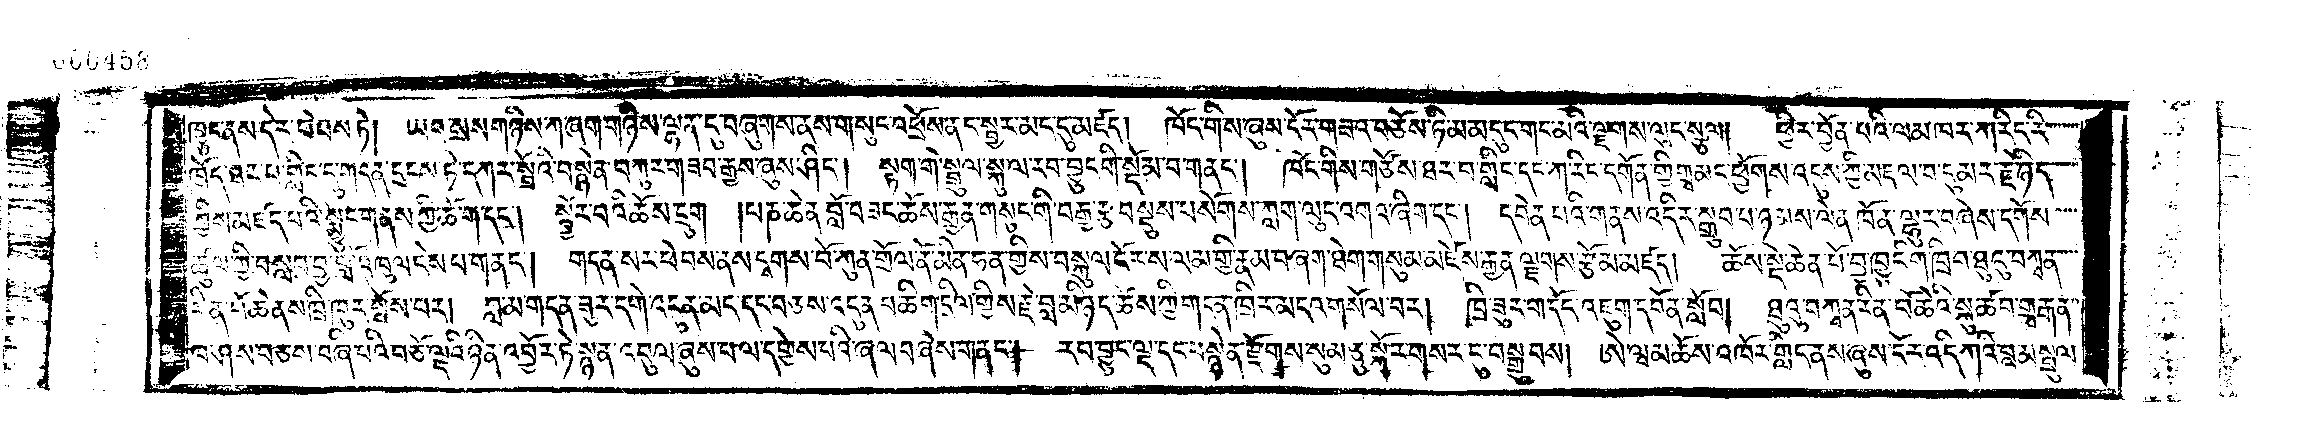ཁྱུང་ནས་དེར་ཕེབས་ཏེ། ཡབ་སྲས་གཉིས་ཀ་ཞག་གཉིས་ལྷན་དུ་བཞུགས་ནས་གསུང་འཕྲོས་ནང་སྦྱར་མང་དུ་མཛད། ཁོང་གིས་ཞུས་ངོར་གཟའ་བཅོས་ཉི་མ་མདུང་གང་མའི་ལྗགས་ལུང་སྩལ། ཕྱིར་བྱོན་པའི་ལམ་ཁར་ཀ་རིང་རི་
ཁྲོད་ཐར་པ་གླིང་དུ་གདན་དྲངས་ཏེ་དཀར་སྤྲོའི་བསྙེན་བཀུར་གཟབ་རྒྱས་ཞུས་ཤིང་། སྟག་གེ་སྦྲུལ་སྐུ་ལ་རབ་བྱུང་གི་སྡོམ་པ་གནང་། ཁོང་གིས་གཙོས་ཐར་པ་གླིང་དང་ཀ་རིང་དགོན་གྱི་གྲྭ་མང་ཕྱོགས་འདུས་ཀྱི་མཇལ་བ་དུ་མར་རྗེ་ཉིད་
ཀྱིས་མཛད་པའི་སྨྱུང་གནས་ཀྱི་ཆོ་ག་དང་། སྦྱོར་བའི་ཆོས་དྲུག །པཎ་ཆེན་བློ་བཟང་ཆོས་རྒྱན་གསུང་གི་བརྒྱ་རྩ་བསྡུས་པ་སོགས་ཀླག་ལུང་འགའ་ཞིག་དང་། དབེན་པའི་གནས་འདིར་སྒྲུབ་པ་ཉམས་ལེན་ཁོ་ན་ལྷུར་བཞེས་དགོས་
ཚུལ་གྱི་བསླབ་བྱ་བློ་འཁུལ་ངེས་པ་གནང་། གདན་སར་ཕེབས་ནས་དྭགས་པོ་ཀུན་གྲོལ་ནོ་མིན་ཧན་གྱིས་བསྐུལ་དོར་ས་ལམ་གྱི་རྣམ་བཞག་ཐེག་གསུམ་མཛེས་རྒྱན་ལྗགས་རྩོམ་མཛད། ཆོས་སྡེ་ཆེན་པོ་བྱ་ཁྱུང་གི་ཁྲི་བ་ཐུའུ་བཀྭན་
རིན་པོ་ཆེ་ནས་ཁྲི་ཁུར་སྤོས་པར། བླ་མ་གདན་ཟུར་དགེ་འདུན་མང་དང་བཅས་འདུན་པ་ཆིག་དྲིལ་གྱིས་རྗེ་བླ་མ་ཉིད་ཆོས་ཀྱི་གདན་ཁྲིར་མདའ་གསོལ་བར། ཁྲི་ཟུར་གདོང་འཇུག་དཔོན་སློབ། ཐུའུ་བཀྭན་རིན་པོ་ཆེའི་སྐུ་ཚ་བ་གྲྭ་རྒན་
ཁ་ཤས་བཅས་བཞི་པའི་བཅོ་ལྔའི་ཉིན་འབྱོར་ཏེ་སྙན་འབུལ་ཞུས་པལ?་དགྱེས་པའི་ཞལ་བཞེས་གནང་། རབ་བྱུང་ལྔ་དང་བསྙེན་རྫོགས་སུམ་ཅུ་སྐོར་གསར་དུ་བསྒྲུབས། ཨེ་ཝམ་ཆོས་འཁོར་གླིང་ནས་ཞུས་ངོར་འདི་ཀའི་བླ་མ་སྤྲུལ་